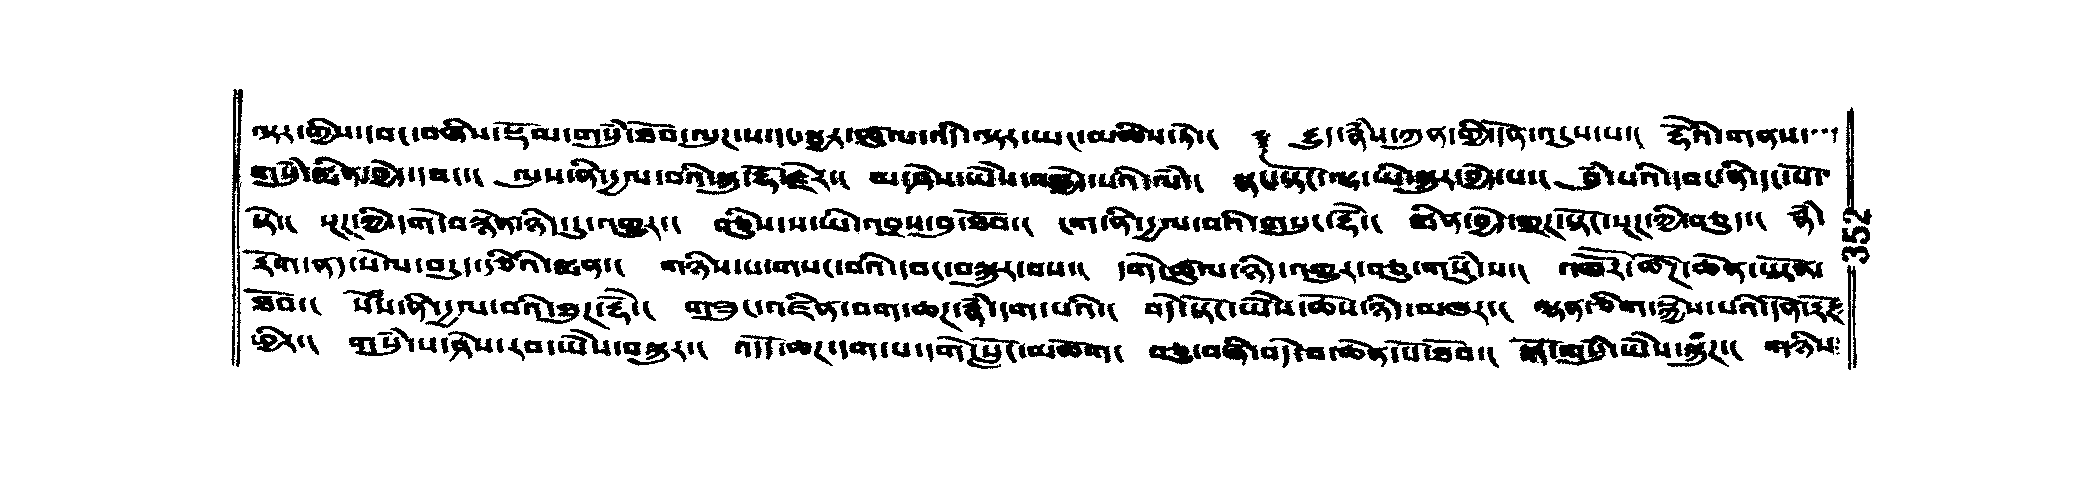ལྟར་གྱིས་དབང་བཞིས་སྡོམ་གསུམ་ཐོབ་ལུགས་ས་དང་སྦྱར་ཚུལ་འདི་ལྟར་ཡང་མཆིས་ཏེ། རྒྱུད་རྣམས་ཀུན་གྱི་དོན་འདུས་པ། །རྡོ་རྗེའི་གནས་
གསུམ་སྨིན་བྱེད་དབང་། །ལུས་ནི་རྒྱལ་བའི་སྐུ་རྡོ་རྗེར། །མ་ཤེས་ཡེ་ཤེས་བསྐྱེད་པའི་ལམ། །སྣང་སྟོང་ལྷ་ཡི་སྐུར་བྱེད་པ། །བུམ་པའི་དབང་ནི་དང་པོ་
སྟེ། །སྔགས་ཀྱི་དགེ་བསྙེན་ཉིད་དུ་འགྱུར། །བཅུ་གཉིས་ས་ཡི་འབྲས་བུ་ཐོབ། །ངག་ནི་རྒྱལ་བའི་གསུང་རྡོ་རྗེ། །སྨིན་བྱེད་གྲགས་སྟོང་སྔགས་ཀྱི་བཅུད། །རྣམ་
རྟོག་ནད་སེལ་བདུད་རྩིའི་སྨན། །གཉིས་པ་གསང་བའི་དབང་བསྐུར་བས། །དགེ་ཚུལ་ཉིད་འགྱུར་བཅུ་གསུམ་པ། །འཁོར་ལོ་ཚོགས་ཆེན་ཡོན་ཏན་
ཐོབ། །སེམས་ནི་རྒྱལ་བའི་ཐུགས་རྡོ་རྗེ། །གཟུང་འཛིན་བག་ཆགས་རྣམ་དག་པའི། །བདེ་སྟོང་ཡེ་ཤེས་ཆོས་ཉིད་མཁར། །ལྷན་ཅིག་སྐྱེས་པའི་དོན་རྟོགས་
ཕྱིར། །གསུམ་པ་ཤེས་རབ་ཡེ་ཤེས་བསྐུར། །འདོད་ཆགས་དག་པ་དགེ་སློང་མཆོག།བཅུ་བཞི་བདེ་བ་ཆེན་པོ་ཐོབ། །སྒོ་གསུམ་ཡེ་ཤེས་སྐུ་གསུང་ཐུགས། །གཉིས་